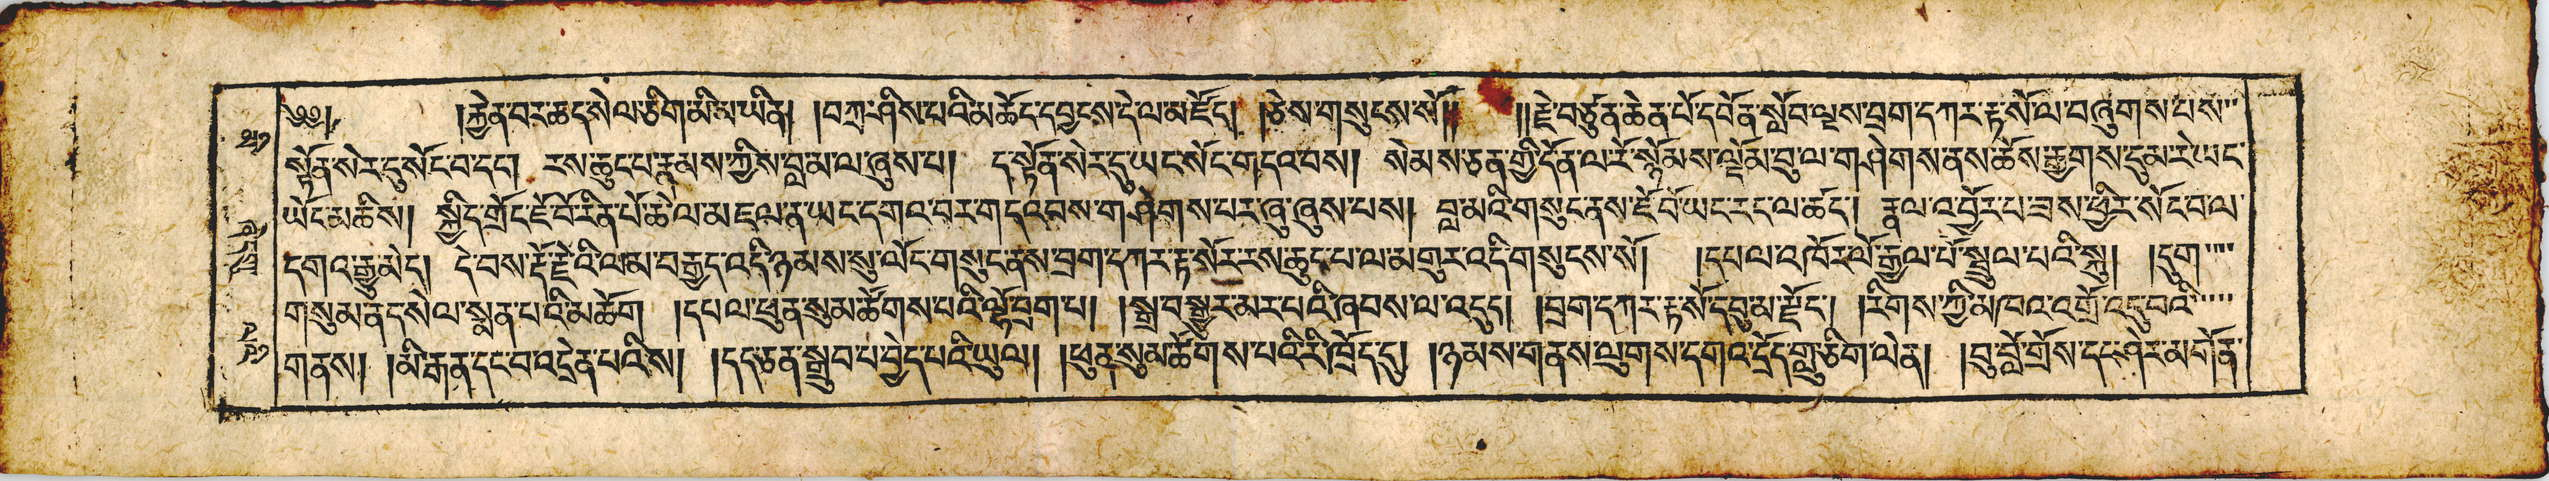རྐྱེན་བར་ཆད་སེལ་ཅིག་མི་མ་ཡིན། །བཀྲ་ཤིས་པའི མཆོད་དབྱངས་དེ་ལ་མཛོད། །ཅེས་གསུངས་སོ།། །།རྗེ་བཙུན་ཆེན་པོ་དབོན་སློབ་ལྔས་བྲག་དཀར་རྟ་སོ་ལ་བཞུགས་པས་
སྟོན་སེར་དུ་སོང་བ་དང་། རས་ཆུང་པ་རྣམས་ཀྱིས་བླ་མ་ལ་ཞུས་པ། ད་སྟོན་སེར་དུ་ཡང་སོང་གདའ་བས། སེམས་ཅན་གྱི་དོན་ལ་ངོ་སྙོམས་ལྡོམ་བུ་ལ་གཤེགས་ནས་ཆོས་རྒྱགས་དུམ་རེ་ཡང་་
མཆིས། སྐྱིད་གྲོང་ཇོ་བོ་རིན་པོ་ཆེ་ལ་མཇལ་ན་ཡང་དགའ་བར་གདའ་བས་གཤེགས་པར་ཞུ་ཞུས་པས། བླ་མའི་གསུང་ནས་ཇོ་བོ་ཡང་རང་ལ་ཚད། རྣལ་འབྱོར་པ་ཟས་ཕྱིར་སོང་བ་ལ་
དགའ་རྒྱུ་མེད། དེ་བས་རྡོ་རྗེའི་ལམ་བརྒྱད་འདི་ཉམས་སུ་ལོང་གསུངས་ནས་བྲག་དཀར་རྟ་སོར་རས་ཆུང་པ་ལ་མགུར་འདི་གསུངས་སོ། །དཔལ་འཁོར་ལོ་རྒྱལ་པོ་སྤྲུལ་པའི་སྐུ། །དུག་་་
གསུམ་ནད་སེལ་སྨན་པའི་མཆོག །དཔལ་ཕུན་སུམ་ཚོགས་པའི་ལྷོ་བྲག་པ། །སྒྲ་བ་སྒྱུར་མར་པའི་ཞབས་ལ་འདུད། །བྲག་དཀར་རྟ་སོ་དབུ་མ་རྫོང་། །རིགས་ཀྱི་མཁའ་འགྲོ་འདུ་བའི་
གནས། །མི་རྒན་དང་བ་འདྲེན་པ་འིས། །དད་ཅན་སྒྲུབ་པ་བྱེད་པའི་ཡུལ། །ཕུན་སུམ་ཚོགས་པའི་རི་ཁྲོད་དུ། །ཉམས་གནས་ལུགས་དགའ་དྲོད་གླུ་ཅིག་ལེན། །བུ་བློ་གྲོས་དང་ཤེར་མགོན་